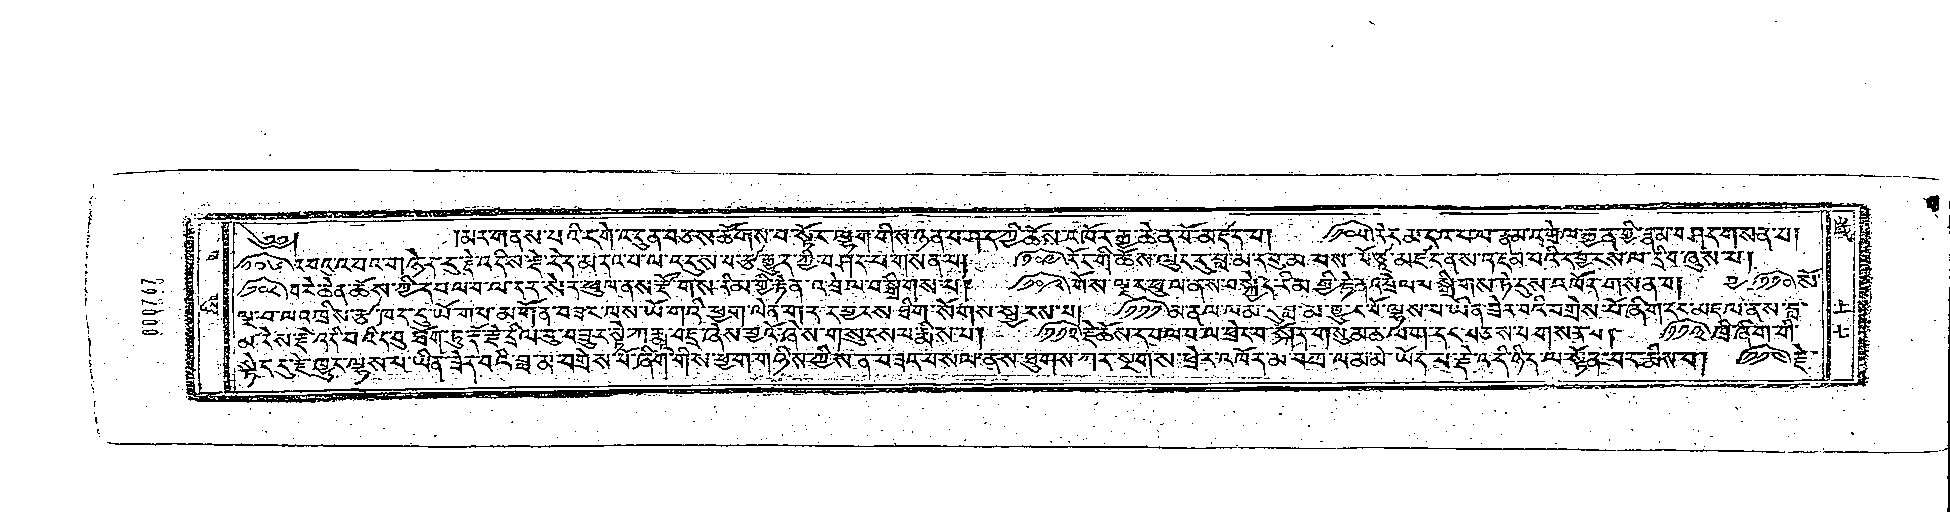༄༅། །མར་གནས་པའི་རིག་འདུན་བཅས་ཚོགས་པ་སྟོང་ལྷག་གིས་ཉན་བ་ཤད་ཀྱི་ཆོས་འཁོར་རྒྱ་ཆེན་པོ་མཛད་པ། ༡༠༥?་རེད་མདའ་པ་ལ་རྣམ་འགྲེལ་རྒྱན་གྱི་རྣམ་བཤད་གསན་པ།
༼༡༠༦?་འབའུ་འབའ་གཉེར་དུ་རྗེ་འདིས་རྗེ་རེད་མདའ་པ་ལ་འདུས་པ་རྩ་རྒྱུད་ཀྱི་བཤད་པ་གསན་པ། ༽༡༠༧?་རོང་གི་ཆོས་ལུང་དུ་བླ་མ་དབུ་མ་པས་ལོ་ཙཱ་མཛད་ནས་འཇམ་པའི་དབྱངས་ལ་དྲི་བ་ཞུས་པ།
༼༡༠༨?་བདེ་ཆེན་ཆོས་ཀྱི་དཔལ་བ་ལ་རར་སེར་ཕུལ་ནས་རྫོགས་རིམ་གྱི་རྟེན་འབྲེལ་བསྒྲིགས་པ། ༽༡༠༩?་གོས་ལྗང་ཕུལ་ནས་བསྐྱེད་རིམ་གྱི་རྟེན་འབྲེལ་བསྒྲིགས་ཏེ་དུས་འཁོར་གསན་པ། ༧ ༡༡༠?་སོ་
ལྔ་བ་ལ་འཁྲིས་རྩ་ཁང་དུ་ཡོ་ག་པ་མགོན་བཟང་ལས་ཡོ་གའི་ཕྱག་ལེན་གང་དབྱངས་ཐིག་སོགས་སྦྱངས་པ། ༡༡༡?་མ་ནལ་ལམ་དུ་བླ་མ་ཁྱུ་ང་པོ་ལྷས་པ་ཡིན་ཟེར་བའི་བགྲེས་པོ་ཞིག་དང་མཇལ་ནས་བླ་
མ་ངེས་རྗེ་འདི་པའི་དབུ་ཐོག་ཏུ་རྡོ་རྗེ་དྲིལ་བུ་བཟུང་སྟེ་ཀརྨཱ་བཛྲ་ཞེས་བྱའོ་ཞེས་གསུངས་པ་རྨིས་པ། ༼༡༡༢?་རྗེ་ཆོས་དཔལ་བ་ལ་ཕྲེང་བ་སྐོར་གསུམ་ཆ་ལག་དང་བཅས་པ་གསན་པ། ༽༡༡༣?་ཁྲི་ཞིག་གི་
སྟེང་དུ་རྗེ་ཁྱུང་ལྷས་པ་ཡིན་ཟེར་བའི་བླ་མ་བགྲེས་པོ་ཞིག་གིས་ཕྱག་གཉིས་ཀྱིས་ན་བཟའ་བསལ་ནས་ཐུགས་ཀར་སྔགས་ཕྲེང་འཁོར་མ་བཀྲ་ལམ་མེ་ཡོད་པ་རྗེ་འདི་ཉིད་ལ་སྟོན་བར་རྨིས་པ། ༡༡༤?་རྗེ་